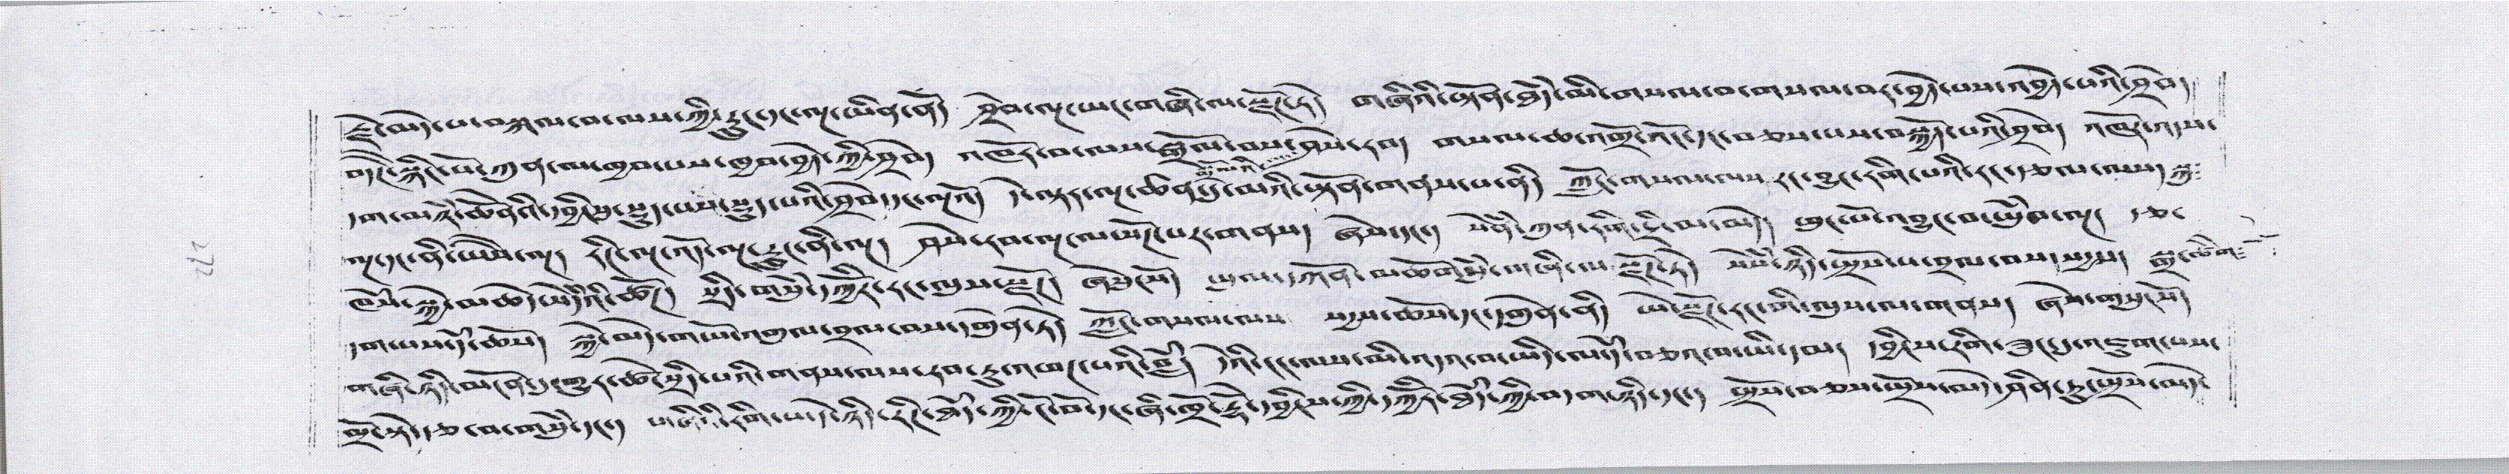རྗེ་མེད་པ་བསྐལ་བ་ལས་ཀྱི་རླུང་དང་ལྔ་ཡིན་ནོ། ཤེས་རབ་ལྔ་ཡང་གཞི་ལ་རྫོགས་ཏེ། གཞིའི་ཡོན་ཏན་ཐམས་ཅད་མི་གསལ་བ་གསལ་བར་བྱེད་པས་འབྱེད་པའི་ཤེས་རབ། 
བདེ་གཤེགས་སྙིང་པོ་ཀུན་ལ་ཁྱབ་པས་ཁྱབ་བྱེད་ཀྱི་ཤེས་རབ། འཁོར་བ་ལས་སྒྲོལ་བས་སྒྲོལ་བའི་ཤེས་རབ། གསལ་ཆ་འགྲོ་འོང་དང་བཅས་པས་བསྐྱོད་པའི་ཤེས་རབ། འཁོར་འདས་
དག་མཉམ་ཆེན་པོའི་དབྱིངས་སུ་སྡུད་པས་སྡུད་པའི་ཤེས་རབ་དང་ལྔའོ། དེ་ལྟར་ལྔ་ཚན་དུ་མའི་ཡོན་ཏན་གནས་པ་ནི། ཀློང་གསལ་ལས་རང་བྱུང་རིག་པའི་རང་རྩལ་ལས། སྐུ་
ལྔ་དང་ནི་ཡེ་ཤེས་ལྔ། རིགས་ལྔ་འོད་ལྔ་རླུང་ནི་ལྔ། ཤེས་རབ་ལྔ་ལ་སོགས་པར་གནས། ཞེས་དང། སེམས་ཅན་ཀུན་རིག་དྲི་མ་མེད། ཕུང་པོ་འབྱུང་བ་ཡབ་ཡུམ་ལྔ། རྩ་
ཁམས་སྐྱེ་མཆེད་སེམས་དཔའི་ཚོགས། སྲིད་གསུམ་དཀྱིལ་འཁོར་རང་ལུས་རྫོགས། ཞེས་གསུངས་སོ། ཡུལ་དཀོན་མཆོག་གསུམ་གཞི་ལ་རྫོགས་ཏེ། སེམས་ཉིད་སྤྲོད་པ་བྲལ་བས་སངས་རྒྱས། སྒྲ་ཚིག་
དག་པས་དམ་ཆོས། སྐྱེ་མེད་གཡོ་འགུལ་བྲལ་བས་དགེ་འདུན་ཏེ། ཀློང་གསལ་ལས། སངས་རྒྱས་ཆོས་དང་དགེ་འདུན་ནི། ཡེ་རྫོགས་རང་གི་ལུས་ལ་གནས། ཞེས་གསུངས་སོ། 
གཞི་ཉིད་མངོན་དུ་གྱུར་ཚེ་སྲིད་པའི་གནས་ལས་རབ་ཏུ་འཕགས་པའི་བླ་མ། དེའི་ངང་ལས་མི་འདའ་བ་ཡིད་ལ་དམ་བཅའ་བ་ཡི་དམ། དབྱིངས་རིག་ཟུང་དུ་འཇུག་པས་
མཁའ་འགྲོ་སྟེ་རྩ་བ་གསུམ་དང། གཞིའི་རིག་པ་དེ་ཉིད་རིགས་ཐམས་ཅད་ཀྱི་ངོ་བོ་དང་ཞི་ཁྲོ་རྡོ་རྗེ་དབྱིངས་ཀྱི་དཀྱིལ་འཁོར་ཐམས་ཅད་ཀྱི་བདག་ཉིད་དང། སྤྲོས་བཅས་སྤྲོས་མེད་ཤིན་ཏུ་སྤྲོས་མེད་